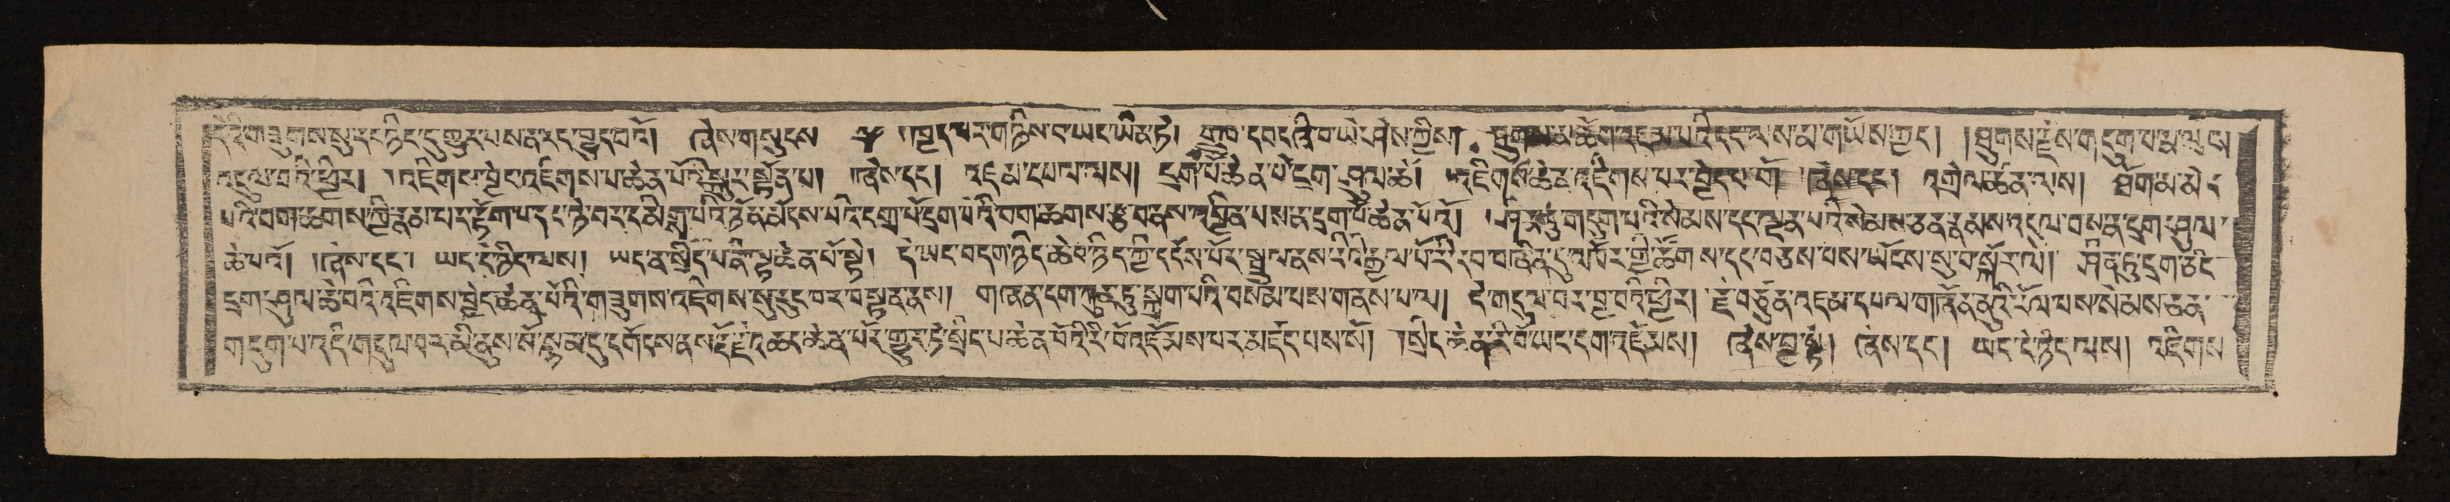དེའི་གཟུགས་སུ་རང་ཉིད་དུ་གྱུར་པས་ན་རང་བྱུང་བའོ། །ཞེས་གསུངས། ༈ །ཁྱད་པར་གཉིས་པ་ཡང་ཡིན་ཏེ། གྲུབ་དབང་ཞི་བ་ཡེ་ཤེས་ཀྱིས། ཐུགས་མཆོག་འཇམ་པའི་ངང་ལས་མ་གཡོས་ཀྱང་། །ཐུགས་རྗེས་གདུག་པ་མ་ལུས་
འདུལ་བའི་ཕྱིར། །འཇིགས་བྱེད་འཇིགས་པ་ཆེན་པོའི་སྐུར་སྟོན་པ། །ཞེས་དང་། འཇམ་དཔལ་ལས། དྲག་པོ་ཆེན་པོ་དྲག་ཤུལ་ཆེ། །འཇིགས་ཆེན་འཇིགས་པར་བྱེད་པ་པོ། །ཞེས་དང་། འགྲེལ་ཆེན་ལས། ཐོག་མ་མེད་
པའི་བག་ཆགས་ཀྱི་རྣམ་པར་རྟོག་པ་དང་ཉེ་བར་དམིགས་པའི་ཉོན་མོངས་པའི་དགྲ་བོ་དྲག་པོའི་བག་ཆགས་རྩ་བ་ནས་འབྱིན་པས་ན་དྲག་པོ་ཆེན་པོའོ། །ཤིན་ཏུ་གདུག་པའི་སེམས་དང་ལྡན་པའི་སེམས་ཅན་རྣམས་འདུལ་བས་ན་དྲག་ཤུལ་
ཆེ་བའོ། །ཞེས་དང་། ཡང་དེ་ཉིད་ལས། ཡང་ན་སྲིད་པ་ནི་ལྷ་ཆེན་པོ་སྟེ། དེ་ཡང་བདག་ཉིད་ཆེ་བ་ཉིད་ཀྱི་དངོས་པོར་སྤྲུལ་ནས་རིའི་རྒྱལ་པོ་རི་རབ་བཞིན་དུ་འཁོར་གྱི་ཚོགས་དང་བཅས་པས་ཡོངས་སུ་བསྐོར་ལ། ཤིན་ཏུ་དྲག་ཅིང་
དྲག་ཤུལ་ཆེ་བའི་འཇིགས་བྱེད་ཆེན་པོའི་གཟུགས་འཇིགས་སུ་རུང་བར་བསྟན་ནས། གཞན་དག་ཀུན་ཏུ་སྐྲག་པའི་བསམ་པས་གནས་པ་ལ། དེ་གདུལ་བར་བྱ་བའི་ཕྱིར། རྗེ་བཙུན་འཇམ་དཔལ་གཞོན་ནུའི་རོལ་པས་སེམས་ཅན་
གདུག་པ་འདི་གདུལ་བར་མི་ནུས་སོ་སྙམ་དུ་དགོངས་ནས་རྡོ་རྗེ་འཆང་ཆེན་པོར་གྱུར་ཏེ་སྲིད་པ་ཆེན་པོའི་རི་བོ་འཇོམས་པར་མཛད་པས་སོ། །སྲིད་ཆེན་རི་བོ་ཡང་དག་འཇོམས། །ཞེས་བྱ་སྟེ། ཞེས་དང་། ཡང་དེ་ཉིད་ལས། འཇིགས་